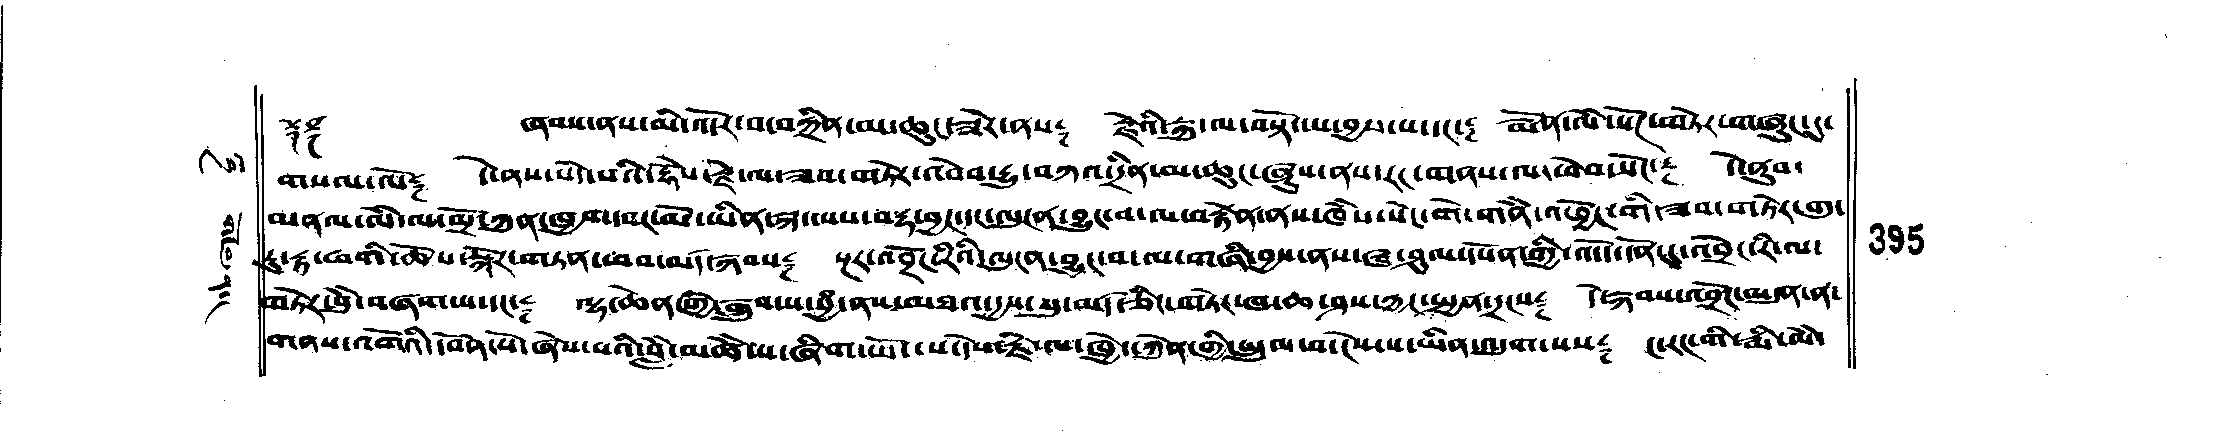ཞབས་ནས་མི་འདོར་བ་བཀའ་དྲིན་མ་ཆུང་ཟེར་ནས། རྗེའི་སྐུ་ལ་བསྟོད་པ་བྱས་པ་དང་། སྨོན་ལམ་སོགས་གཏེར་གཞུང་དུ་
གསལ་ལོ། དེ་ནས་བདེ་བའི་རྡོ་རྗེས་རྗེ་ལ་ཟབ་གཏེར་འབོགས་རྒྱུ་བཀའ་དྲིན་མ་ཆུང་ཞུས་ནས་རང་གནས་ལ་ཕེབས་སོང་། དེ་ནུབ་
མནལ་ལམ་ལ་མཁའ་འགྲོ་ཀུན་ཁྱབ་དབང་མོ་ཡིན་པས་བརྡ་བྱང་དང་ལུང་བསྟན་བྱུང་བ་ལ་བརྟེན་ནས་ཁམས་སེང་གེ་གནམ་འཕྱོང་གི་ཟབ་གཏེར་གུ་
རུ་རྟ་ཕག་གི་ཆོས་སྐོར་གཏན་ཕབ་མཛད་སྐབས། སྔར་འབྲོང་རིའི་ལུང་བསྟན་བྱུང་བ་ལ་གཞི་བྱས་ནས་ཝ་ཤུལ་དཔོན་གྱི་འདོད་དོན་དུ་འབྲོང་རི་ལ་
གཏེར་བུམ་བཞག་པ་དང་། ལྷ་ཆེན་གྱི་སྒྲུབ་པ་གསུང་ནས་མཐའ་རྒྱས་སུ་མཛད་ཅིང་གཏེར་ཁ་ཆ་ཤས་ཀྱང་སྤྱན་དྲངས། དེ་སྐབས་འབྲོང་མདུན་ན་
གནས་འགོའི་དབོན་པོ་ཞེས་པའི་བླ་མ་མཚམས་པ་ཞིག་ཡོད་པ་དེས་རྗེ་ལ་ཁྱེད་ཀུན་མཁྱེན་གྱི་སྤྲུལ་པ་ངེས་པ་ཡིན་འདུག་པས། ང་རང་གི་རྨི་ལམ་